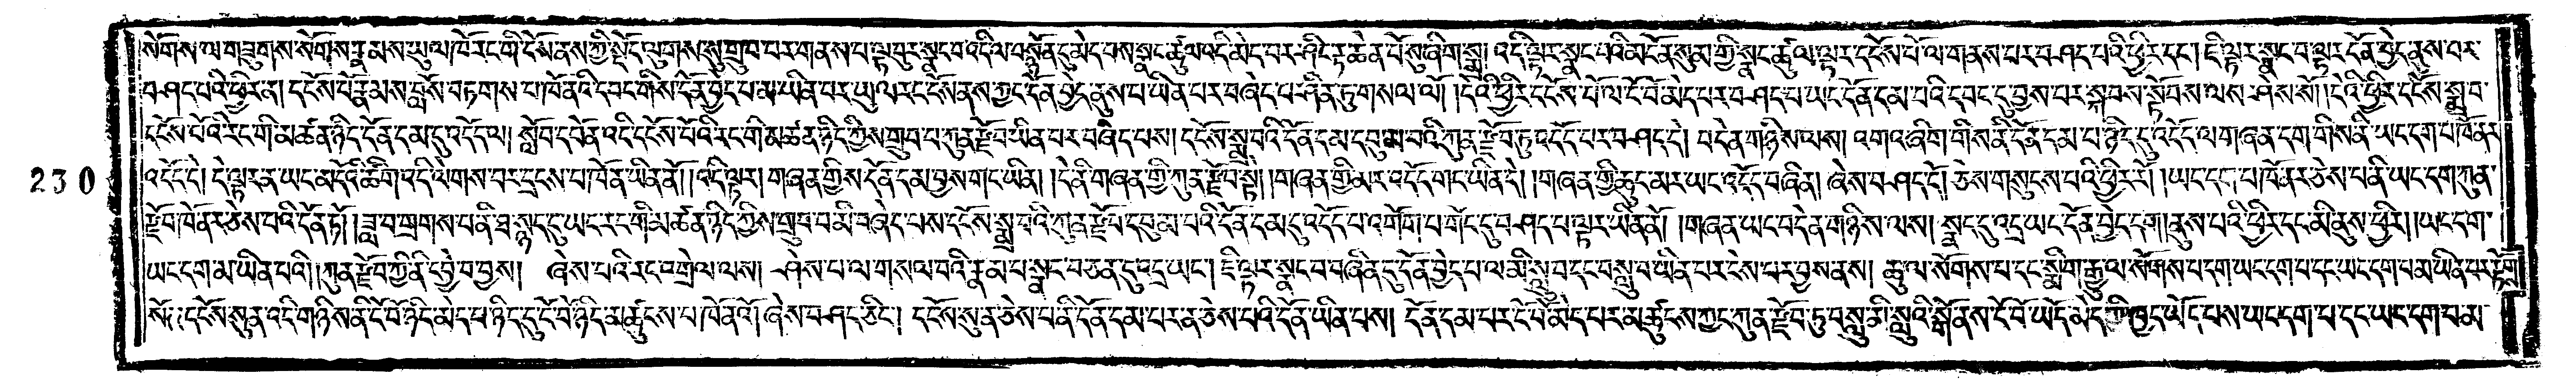སོགས་ལ་གཟུགས་སོགས་རྣམས་ཡུལ་ཁོ་རང་གི་ངོས་ནས་ཀྱི་སྡོད་ལུགས་སུ་གྲུབ་པར་གནས་པ་ལྟ་བུར་སྣང་བ་འདི་ལ་བསྙོན་དུ་མེད་བས་སྣང་ཚུལ་འདི་མེད་བར་ཤིང་རྟ་ཆེན་པོ་སུ་ཞིག་སྨྲ། འདི་ལྟར་སྣང་བའི་མངོན་སུམ་གྱི་སྣང་ཚུལ་ལྟར་དངོས་པོ་ལ་གནས་པར་བཤད་པའི་ཕྱིར་དང་། ཇི་ལྟར་སྣང་བ་ལྟར་དོན་བྱེད་ནུས་བར་
བཤད་པའི་ཕྱིར་ན། དངོས་པོ་རྣམས་བློས་བཏགས་པ་ཁོ་ནའི་དབང་གིས་དོན་བྱེད་པ་མ་ཡིན་པར་ཡུལ་རང་ངོས་ནས་ཀྱང་དོན་བྱེད་ནུས་པ་ཡིན་པར་བཞེད་པ་ཤིན་ཏུ་གསལ་ལོ། །དེའི་ཕྱིར་དངོས་པོ་ལ་ངོ་བོ་མེད་པར་བཤད་པ་ཡང་དོན་དམ་བའི་དབང་དུ་བྱས་བར་སྐབས་སྟོབས་ལས་ཤེས་སོ། །དེའི་ཕྱིར་དངོས་སྨྲ་བ་
དངོས་པོའི་རང་གི་མཚན་ཉིད་དོན་དམ་དུ་འདོད་ལ། སློབ་དཔོན་འདི་དངོས་པོའི་རང་གི་མཚན་ཉིད་ཀྱིས་གྲུབ་པ་ཀུན་རྫོབ་ཡིན་པར་བཞེད་པས། དངོས་སྨྲ་བའི་དོན་དམ་དབུ་མ་བའི་ཀུན་རྫོབ་ཏུ་འདོད་པར་བཤད་དེ། བདེན་གཉིས་ལས། འགའ་ཞིག་གིས་ནི་དོན་དམ་པ་ཉིད་དུ་འདོད་ལ་གཞན་དག་གིས་ནི་ཡང་དག་པ་ཁོ་ནར་
འདོད་དེ། དེ་ལྟར་ན་ཡང་མདོའི་ཚིག་འདི་ལེགས་བར་དྲངས་པ་ཁོ་ན་ཡིན་ནོ། །འདི་ལྟར། གཞན་གྱིས་དོན་དམ་བྱས་གང་ཡིན། །དེ་ནི་གཞན་གྱི་ཀུན་རྫོབ་སྟེ། །གཞན་གྱི་མར་འདོད་གང་ཡིན་དེ། །གཞན་གྱི་ཆུང་མར་ཡང་འདོད་བཞིན། ཞེས་བཤད་དེ། ཅེས་གསུངས་པའི་ཕྱིར་རོ། །ཡང་དག་པ་ཁོ་ནར་ཅེས་པ་ནི་ཡང་དག་ཀུན་
རྫོབ་ཁོ་ནར་ཅེས་པའི་དོན་ཏོ། །ཟླ་བ་གྲགས་པ་ནི་ཐ་སྙད་དུ་ཡང་རང་གི་མཚན་ཉིད་ཀྱིས་གྲུབ་བ་མི་བཞེད་པས་དངོས་སྨྲ་བའི་ཀུན་རྫོབ་དབུ་མ་བའི་དོན་དམ་དུ་འདོད་པ་འགོག་པ་གོང་དུ་བཤད་པ་ལྟར་ཡིན་ནོ། །གཞན་ཡང་བདེན་གཉིས་ལས། སྣང་དུ་འདྲ་ཡང་དོན་བྱེད་དག། ནུས་པའི་ཕྱིར་དང་མི་ནུས་ཕྱིར། །ཡང་དག་
ཡང་དག་མ་ཡིན་པའི། །ཀུན་རྫོབ་ཀྱི་ནི་དབྱེ་བ་བྱས། ཞེས་པའི་རང་འགྲེལ་ལས། ཤེས་པ་ལ་གསལ་བའི་རྣམ་པ་སྣང་བ་ཅན་དུ་འདྲ་ཡང་། ཇི་ལྟར་སྣང་བ་བཞིན་དུ་དོན་བྱེད་པ་ལ་མི་སླུ་བ་དང་བསླུ་བ་ཡིན་པར་ངེས་པར་བྱས་ནས། ཆུ་ལ་སོགས་པ་དང་སྨིག་རྒྱུ་ལ་སོགས་པ་དག་ཡང་དག་པ་དང་ཡང་དག་བམ་ཡིན་པར་རྟོགས་
སོ༑ ༑དངོས་སུན་འདི་གཉིས་ནི་ངོ་བོ་ཉིད་མེད་པ་ཉིད་དུ་ངོ་བོ་ཉིད་མཚུངས་པ་ཁོ་ནའོ། ཞེས་བཤད་ཅིང་། དངོས་སུ་ན་ཅེས་པ་ནི་དོན་དམ་པར་ན་ཅེས་པའི་དོན་ཡིན་པས། དོན་དམ་པར་ངོ་བོ་མེད་པར་མཚུངས་ཀྱང་ཀུན་རྫོབ་ཏུ་བསླུ་མི་སླུའི་སྒོ་ནས་ངོ་བོ་ཡོད་མེད་ཀྱི་ཁྱད་ཡོད་པས་ཡང་དག་པ་དང་ཡང་དག་བ་མ་